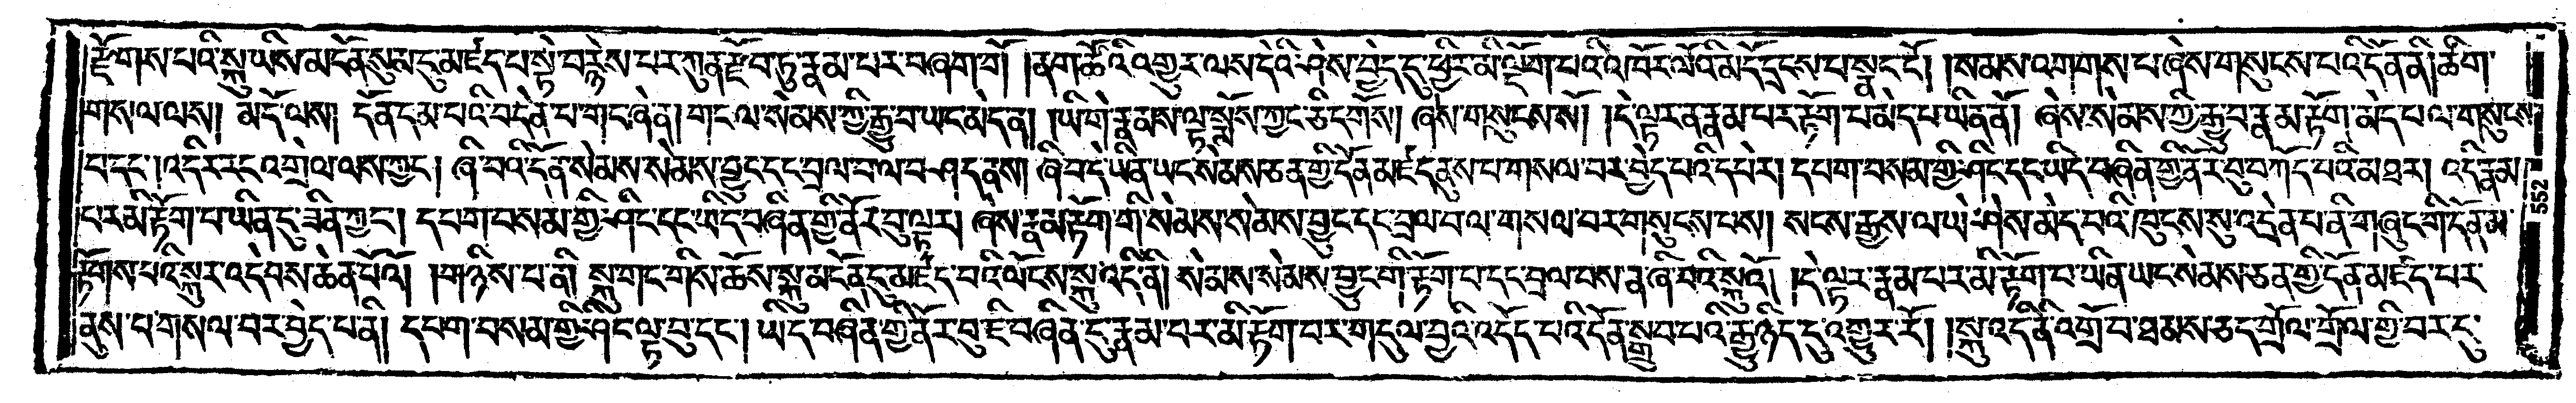རྫོགས་པའི་སྐུ་ཡིས་མངོན་སུམ་དུ་མཛད་པ་སྟེ་བརྙེས་པར་ཀུན་རྫོབ་ཏུ་རྣམ་པར་བཞག་གོ །ནག་ཚོའི་འགྱུར་ལས་དེའི་ཤེས་བྱེད་དུ་ཕྱིར་མི་ལྡོག་པའི་འཁོར་ལོའི་མདོ་དྲངས་པ་སྣང་ངོ། །སེམས་འགགས་པ་ཞེས་གསུངས་པའི་དོན་ནི། ཚིག་
གསལ་ལས། མདོ་ལས། དོན་དམ་པའི་བདེན་པ་གང་ཞེ་ན། གང་ལ་སེམས་ཀྱི་རྒྱུ་བ་ཡང་མེད་ན། །ཡི་གེ་རྣམས་ལྟ་སྨོས་ཀྱང་ཅི་དགོས། ཞེས་གསུངས་སོ། །དེ་ལྟར་ན་རྣམ་པར་རྟོག་པ་མེད་པ་ཡིན་ནོ། ཞེས་སེམས་ཀྱི་རྒྱུ་བ་རྣམ་རྟོག་མེད་པ་ལ་གསུངས་
པ་དང་། འདིར་རང་འགྲེལ་ལས་ཀྱང་། ཞི་བའི་དོན་སེམས་སེམས་བྱུང་དང་བྲལ་བ་ལ་བཤད་ནས། ཞི་བ་དེ་ཡིན་ཡང་སེམས་ཅན་གྱི་དོན་མཛད་ནུས་པ་གསལ་བར་བྱེད་པའི་དཔེར། དཔག་བསམ་གྱི་ཤིང་དང་ཡིད་བཞིན་གྱི་ནོར་བུ་བཀོད་པའི་མཐར། འདི་རྣམ་
པར་མི་རྟོག་པ་ཡིན་དུ་ཟིན་ཀྱང་། དཔག་བསམ་གྱི་ཤིང་དང་ཡིད་བཞིན་གྱི་ནོར་བུ་ལྟར། ཞེས་རྣམ་རྟོག་གི་སེམས་སེམས་བྱུང་དང་བྲལ་བ་ལ་གསལ་བར་གསུངས་པས། སངས་རྒྱས་ལ་ཡེ་ཤེས་མེད་པའི་ཁུངས་སུ་འདྲེན་པ་ནི་གཞུང་གི་དོན་མ་
རྟོགས་པའི་སྐུར་འདེབས་ཆེན་པོའོ། །གཉིས་པ་ནི། སྐུ་གང་གིས་ཆོས་སྐུ་མངོན་དུ་མཛད་པའི་ལོངས་སྐུ་འདི་ནི། སེམས་སེམས་བྱུང་གི་རྟོག་པ་དང་བྲལ་བས་ན་ཞི་བའི་སྐུའོ། །དེ་ལྟར་རྣམ་པར་མི་རྟོག་པ་ཡིན་ཡང་སེམས་ཅན་གྱི་དོན་མཛད་པར་
ནུས་པ་གསལ་བར་བྱེད་པ་ནི། དཔག་བསམ་གྱི་ཤིང་ལྟ་བུ་དང་། ཡིད་བཞིན་གྱི་ནོར་བུ་ཇི་བཞིན་དུ་རྣམ་པར་མི་རྟོག་པར་གདུལ་བྱའི་འདོད་པའི་དོན་སྒྲུབ་པའི་རྒྱུ་ཉིད་དུ་འགྱུར་རོ། །སྐུ་འདི་ནི་འགྲོ་བ་ཐམས་ཅད་གྲོལ་གྲོལ་གྱི་བར་དུ་